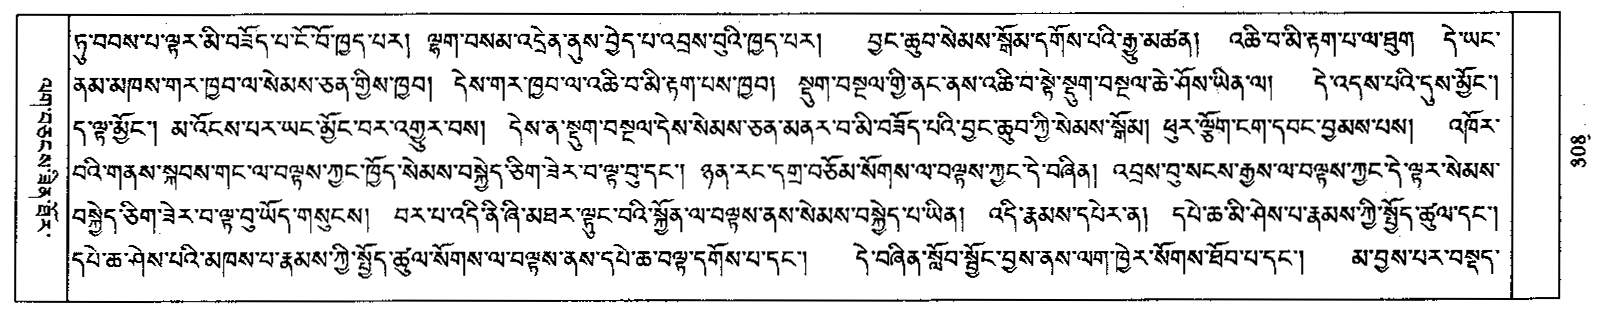ཏུ་བབས་པ་ལྟར་མི་བཟོད་པ་ངོ་བོ་ཁྱད་པར། ལྷག་བསམ་འདྲེན་ནུས་བྱེད་པ་འབྲས་བུའི་ཁྱད་པར། བྱང་ཆུབ་སེམས་སྒོམ་དགོས་པའི་རྒྱུ་མཚན། འཆི་བ་མི་རྟག་པ་ལ་ཐུག་དེ་ཡང་
ནམ་མཁས་གར་ཁྱབ་ལ་སེམས་ཅན་གྱིས་ཁྱབ། དེས་གར་ཁྱབ་ལ་འཆི་བ་མི་རྟག་པས་ཁྱབ། སྡུག་བསྔལ་གྱི་ནང་ནས་འཆི་བ་སྟེ་སྡུག་བསྔལ་ཆེ་ཤོས་ཡིན་ལ། དེ་འདས་པའི་དུས་མྱོང་།
ད་ལྟ་མྱོང་། མ་འོངས་པར་ཡང་མྱོང་བར་འགྱུར་བས། དེས་ན་སྡུག་བསྔལ་དེས་སེམས་ཅན་མནར་བ་མི་བཟོད་པའི་བྱང་ཆུབ་ཀྱི་སེམས་སྒོམ། ཕུར་ལྕོག་ངག་དབང་བྱམས་པས། འཁོར་
བའི་གནས་སྐབས་གང་ལ་བལྟས་ཀྱང་ཁྱོད་སེམས་བསྐྱེད་ཅིག་ཟེར་བ་ལྟ་བུ་དང་། ཉན་རང་དགྲ་བཅོམ་སོགས་ལ་བལྟས་ཀྱང་དེ་བཞིན། འབྲས་བུ་སངས་རྒྱས་ལ་བལྟས་ཀྱང་དེ་ལྟར་སེམས་
བསྐྱེད་ཅིག་ཟེར་བ་ལྟ་བུ་ཡོད་གསུངས། བར་པ་འདི་ནི་ཞི་མཐར་ལྟུང་བའི་སྐྱོན་ལ་བལྟས་ནས་སེམས་བསྐྱེད་པ་ཡིན། འདི་རྣམས་དཔེར་ན། དཔེ་ཆ་མི་ཤེས་པ་རྣམས་ཀྱི་སྤྱོད་ཚུལ་དང་།
དཔེ་ཆ་ཤེས་པའི་མཁས་པ་རྣམས་ཀྱི་སྤྱོད་ཚུལ་སོགས་ལ་བལྟས་ནས་དཔེ་ཆ་བལྟ་དགོས་པ་དང་། དེ་བཞིན་སློབ་སྦྱོང་བྱས་ནས་ལག་ཁྱེར་སོགས་ཐོབ་པ་དང་། མ་བྱས་པར་བསྡད་